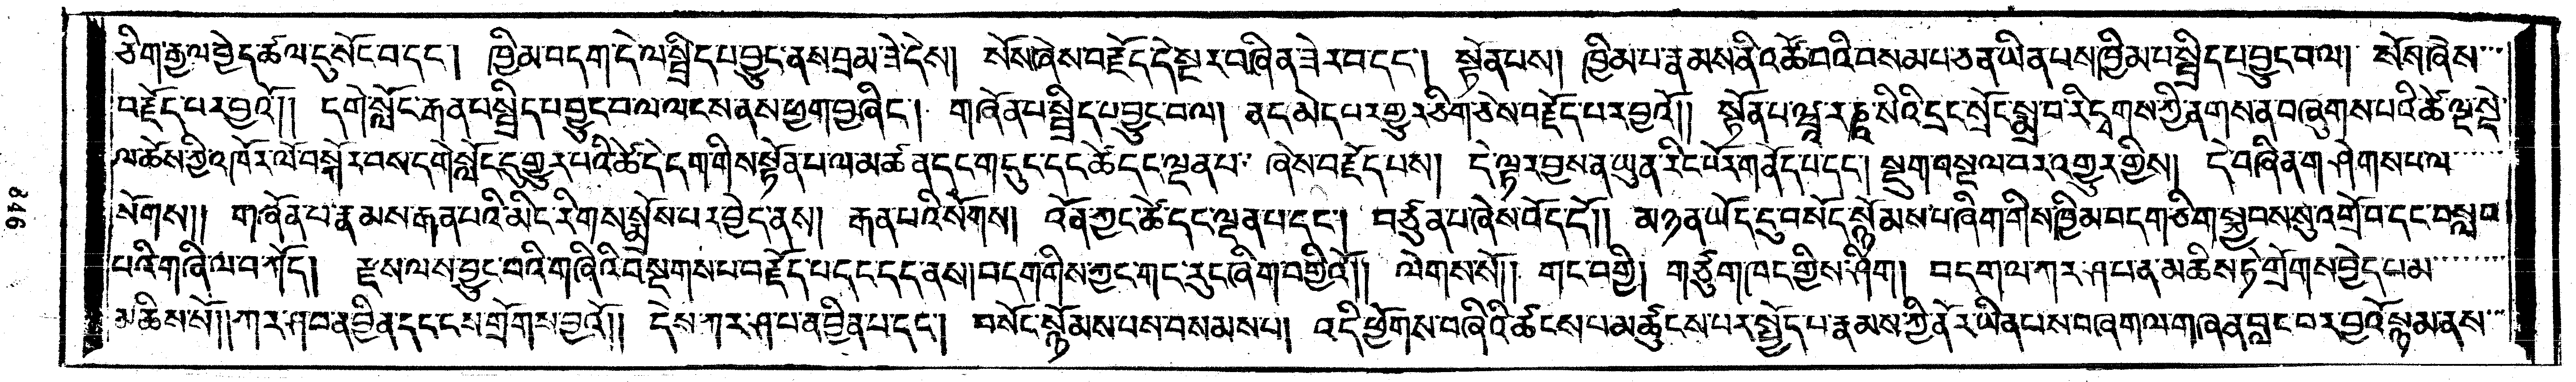ཅིག་རྒྱལ་བྱེད་ཚལ་དུ་སོང་བ་དང་། ཁྱིམ་བདག་དེ་ལ་སྦྲིད་པ་བྱུང་ནས་བྲམ་ཟེ་དེས། སོས་ཞེས་བརྗོད་དེ་སྔར་བཞིན་ཟེར་བ་དང་། སྟོན་པས། ཁྱིམ་པ་རྣམས་ནི་འཚོ་བའི་བསམ་པ་ཅན་ཡིན་པས་ཁྱིམ་པ་སྦྲིད་པ་བྱུང་བ་ལ། སོས་ཞེས་
བརྗོད་པར་བྱའོ།། དགེ་སློང་རྒན་པ་སྦྲིད་པ་བྱུང་བ་ལ་ལངས་ནས་ཕྱག་བྱ་ཞིང་། གཞོན་པ་སྦྲིད་པ་བྱུང་བ་ལ། ནད་མེད་པར་གྱུར་ཅིག་ཅེས་བརྗོད་པར་བྱའོ།། སྟོན་པ་ཝཱ་ར་ཎཱ་སིའི་དྲང་སྲོང་སྨྲ་བ་རི་དྭགས་ཀྱི་ནགས་ན་བཞུགས་པའི་ཚེ་ལྔ་སྡེ་
ལ་ཚེས་ཀྱི་འཁོར་ལོ་བསྐོར་བས་དགེ་སློང་དུ་གྱུར་པའི་ཚེ་དེ་དག་གིས་སྟོན་པ་ལ་མཚན་དང་གདུང་དང་ཚེ་དང་ལྡན་པ་ཞེས་བརྗོད་པས། དེ་ལྟར་བྱས་ན་ཡུན་རིང་པོར་གནོད་པ་དང་། སྡུག་བསྔལ་བར་འགྱུར་གྱིས། དེ་བཞིན་གཤེགས་པ་ལ་
སོགས།། གཞོན་པ་རྣམས་རྒན་པའི་མིང་རིགས་སྨྲོས་པར་བྱེད་ནས། རྒན་པའི་སོགས། འོན་ཀྱང་ཚེ་དང་ལྡན་པ་དང་། བཙུན་པ་ཞེས་བོད་དོ།། མཉན་ཡོད་དུ་བསོད་སྙོམས་པ་ཞིག་གིས་ཁྱིམ་བདག་ཅིག་སྐྱབས་སུ་འགྲོ་བ་དང་བསླབ་
པའི་གཞི་ལ་བ་ཀོད། རྫས་ལས་བྱུང་བའི་གཞིའི་བསྔགས་པ་བརྗོད་པ་དང་དད་ནས། བདག་གིས་ཀྱང་གང་རུང་ཞིག་བགྱིའོ།། ལེགས་སོ།། གང་བགྱི། གཙུག་ཁང་གྱིས་ཤིག། བདག་ལ་ཀར་ཤ་པ་ན་མཆིས་ཏེ་གྲོགས་བྱེད་པ་མ་
མཆིས་སོ། །ཀར་ཤ་བ་ན་བྱིན་དང་ངས་གྲོགས་བྱའོ།། དེས་ཀར་ཤ་པ་ན་བྱིན་པ་དང་། བསོང་སྙོམས་པས་བསམས་པ། འདི་ཕྱོགས་བཞིའི་ཚངས་པ་མཚུངས་པར་སྤྱོད་པ་རྣམས་ཀྱི་ནོར་ཡིན་པས་བཞག་ལ་གཞན་བླང་བར་བྱའོ་སྙམ་ནས་